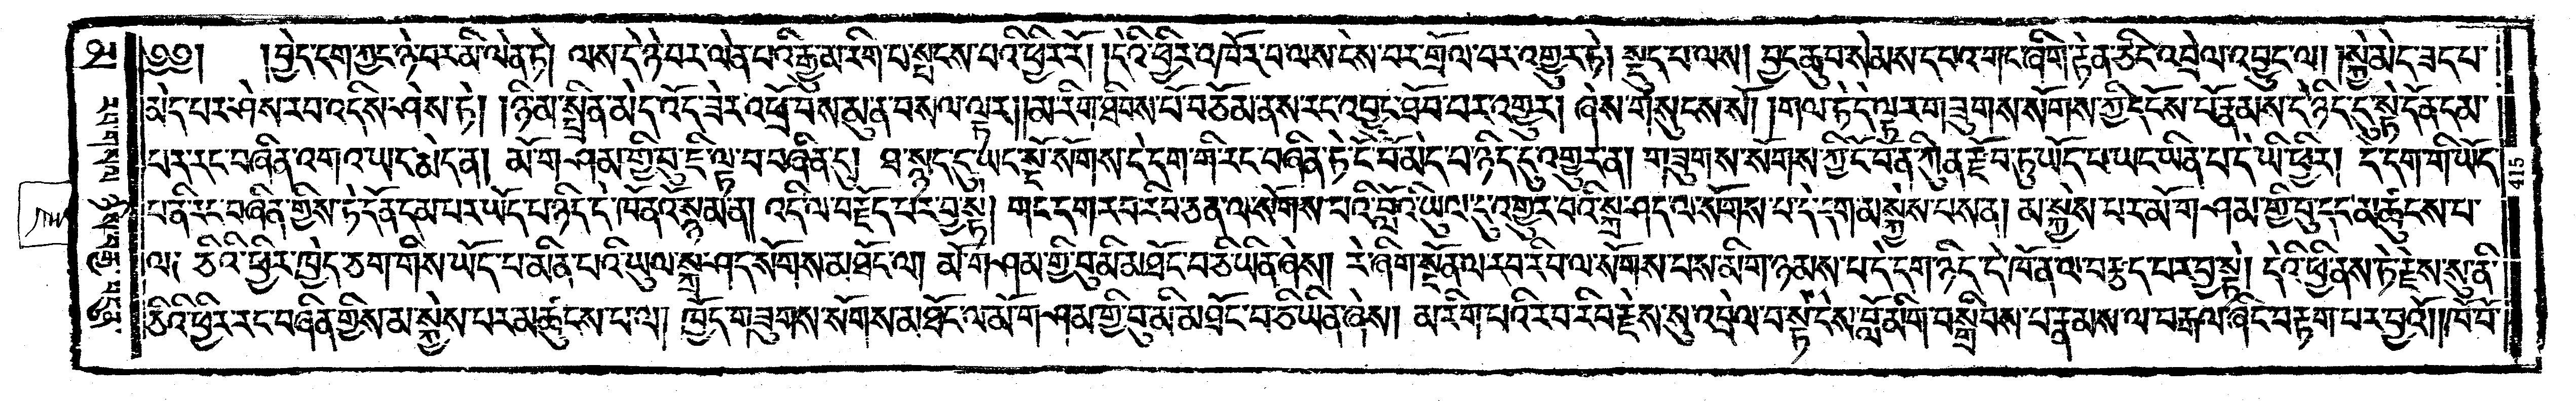བྱེད་དག་ཀྱང་ཉེ་བར་མི་ལེན་ཏེ། ལས་དེ་ཉེ་བར་ལེན་པའི་རྒྱུ་མ་རིག་པ་སྤངས་པའི་ཕྱིར་རོ། །དེའི་ཕྱིར་འཁོར་བ་ལས་ངེས་པར་གྲོལ་བར་འགྱུར་ཏེ། སྡུད་པ་ལས། བྱང་ཆུབ་སེམས་དཔའ་གང་ཞིག་རྟེན་ཅིང་འབྲེལ་འབྱུང་ལ། །སྐྱེ་མེད་ཟད་པ་
མེད་པར་ཤེས་རབ་འདིས་ཤེས་ཏེ། །ཉི་མ་སྤྲིན་མེད་འོད་ཟེར་འཕྲོ་བས་མུན་བསལ་ལྟར། །མ་རིག་ཐིབས་པོ་བཅོམ་ནས་རང་འབྱུང་ཐོབ་པར་འགྱུར། ཞེས་གསུངས་སོ། །གལ་ཏེ་དེ་ལྟར་གཟུགས་སོགས་ཀྱི་དངོས་པོ་རྣམས་དེ་ཉིད་དུ་སྟེ་དོན་དམ་
པར་རང་བཞིན་འགའ་ཡང་མེད་ན། མོ་གཤམ་གྱི་བུ་ཇི་ལྟ་བ་བཞིན་དུ། ཐ་སྙད་དུ་ཡང་སྔོ་སོགས་དེ་དག་གི་རང་བཞིན་ཏེ་ངོ་བོ་མེད་པ་ཉིད་དུ་འགྱུར་ན། གཟུགས་སོགས་ཀྱི་ངོ་བོ་ནི་ཀུན་རྫོབ་ཏུ་ཡོད་པ་ཡང་ཡིན་པ་དེ་ཡི་ཕྱིར། དེ་དག་གི་ཡོད་
པ་ནི་རང་བཞིན་གྱིས་ཏེ་དོན་དམ་པར་ཡོད་པ་ཉིད་དེ་ཁོ་ནའོ་སྙམ་ན། འདི་ལ་བརྗོད་པར་བྱ་སྟེ། གང་དག་རབ་རིབ་ཅན་ལ་སོགས་པའི་བློའི་ཡུལ་དུ་འགྱུར་བའི་སྐྲ་ཤད་ལ་སོགས་པ་དེ་དག་མ་སྐྱེས་པས་ན། མ་སྐྱེས་པར་མོ་གཤམ་གྱི་བུ་དང་མཚུངས་པ་
ལ༑ ཅིའི་ཕྱིར་ཁྱེད་ཅག་གིས་ཡོད་པ་མིན་པའི་ཡུལ་སྐྲ་ཤད་སོགས་མཐོང་ལ། མོ་གཤམ་གྱི་བུ་མི་མཐོང་བ་ཅི་ཡིན་ཞེས། རེ་ཞིག་སྔོན་ལ་རབ་རིབ་ལ་སོགས་པས་མིག་ཉམས་པ་དེ་དག་ཉིད་དེ་ཁོ་ན་ལ་བརྩད་པར་བྱ་སྟེ། དེའི་ཕྱི་ནས་ཏེ་རྗེས་སུ་ནི་
ཅིའི་ཕྱིར་རང་བཞིན་གྱིས་མ་སྐྱེས་པར་མཚུངས་པ་ལ། ཁྱོད་གཟུགས་སོགས་མཐོང་ལ་མོ་གཤམ་གྱི་བུ་མི་མཐོང་བ་ཅི་ཡིན་ཞེས། མ་རིག་པའི་རབ་རིབ་རྗེས་སུ་འབྲེལ་བ་སྟེ་དེས་བློ་མིག་བསྒྲིབས་པ་རྣམས་ལ་བརྒལ་ཞིང་བརྟག་པར་བྱའོ། །ཁོ་བོ་